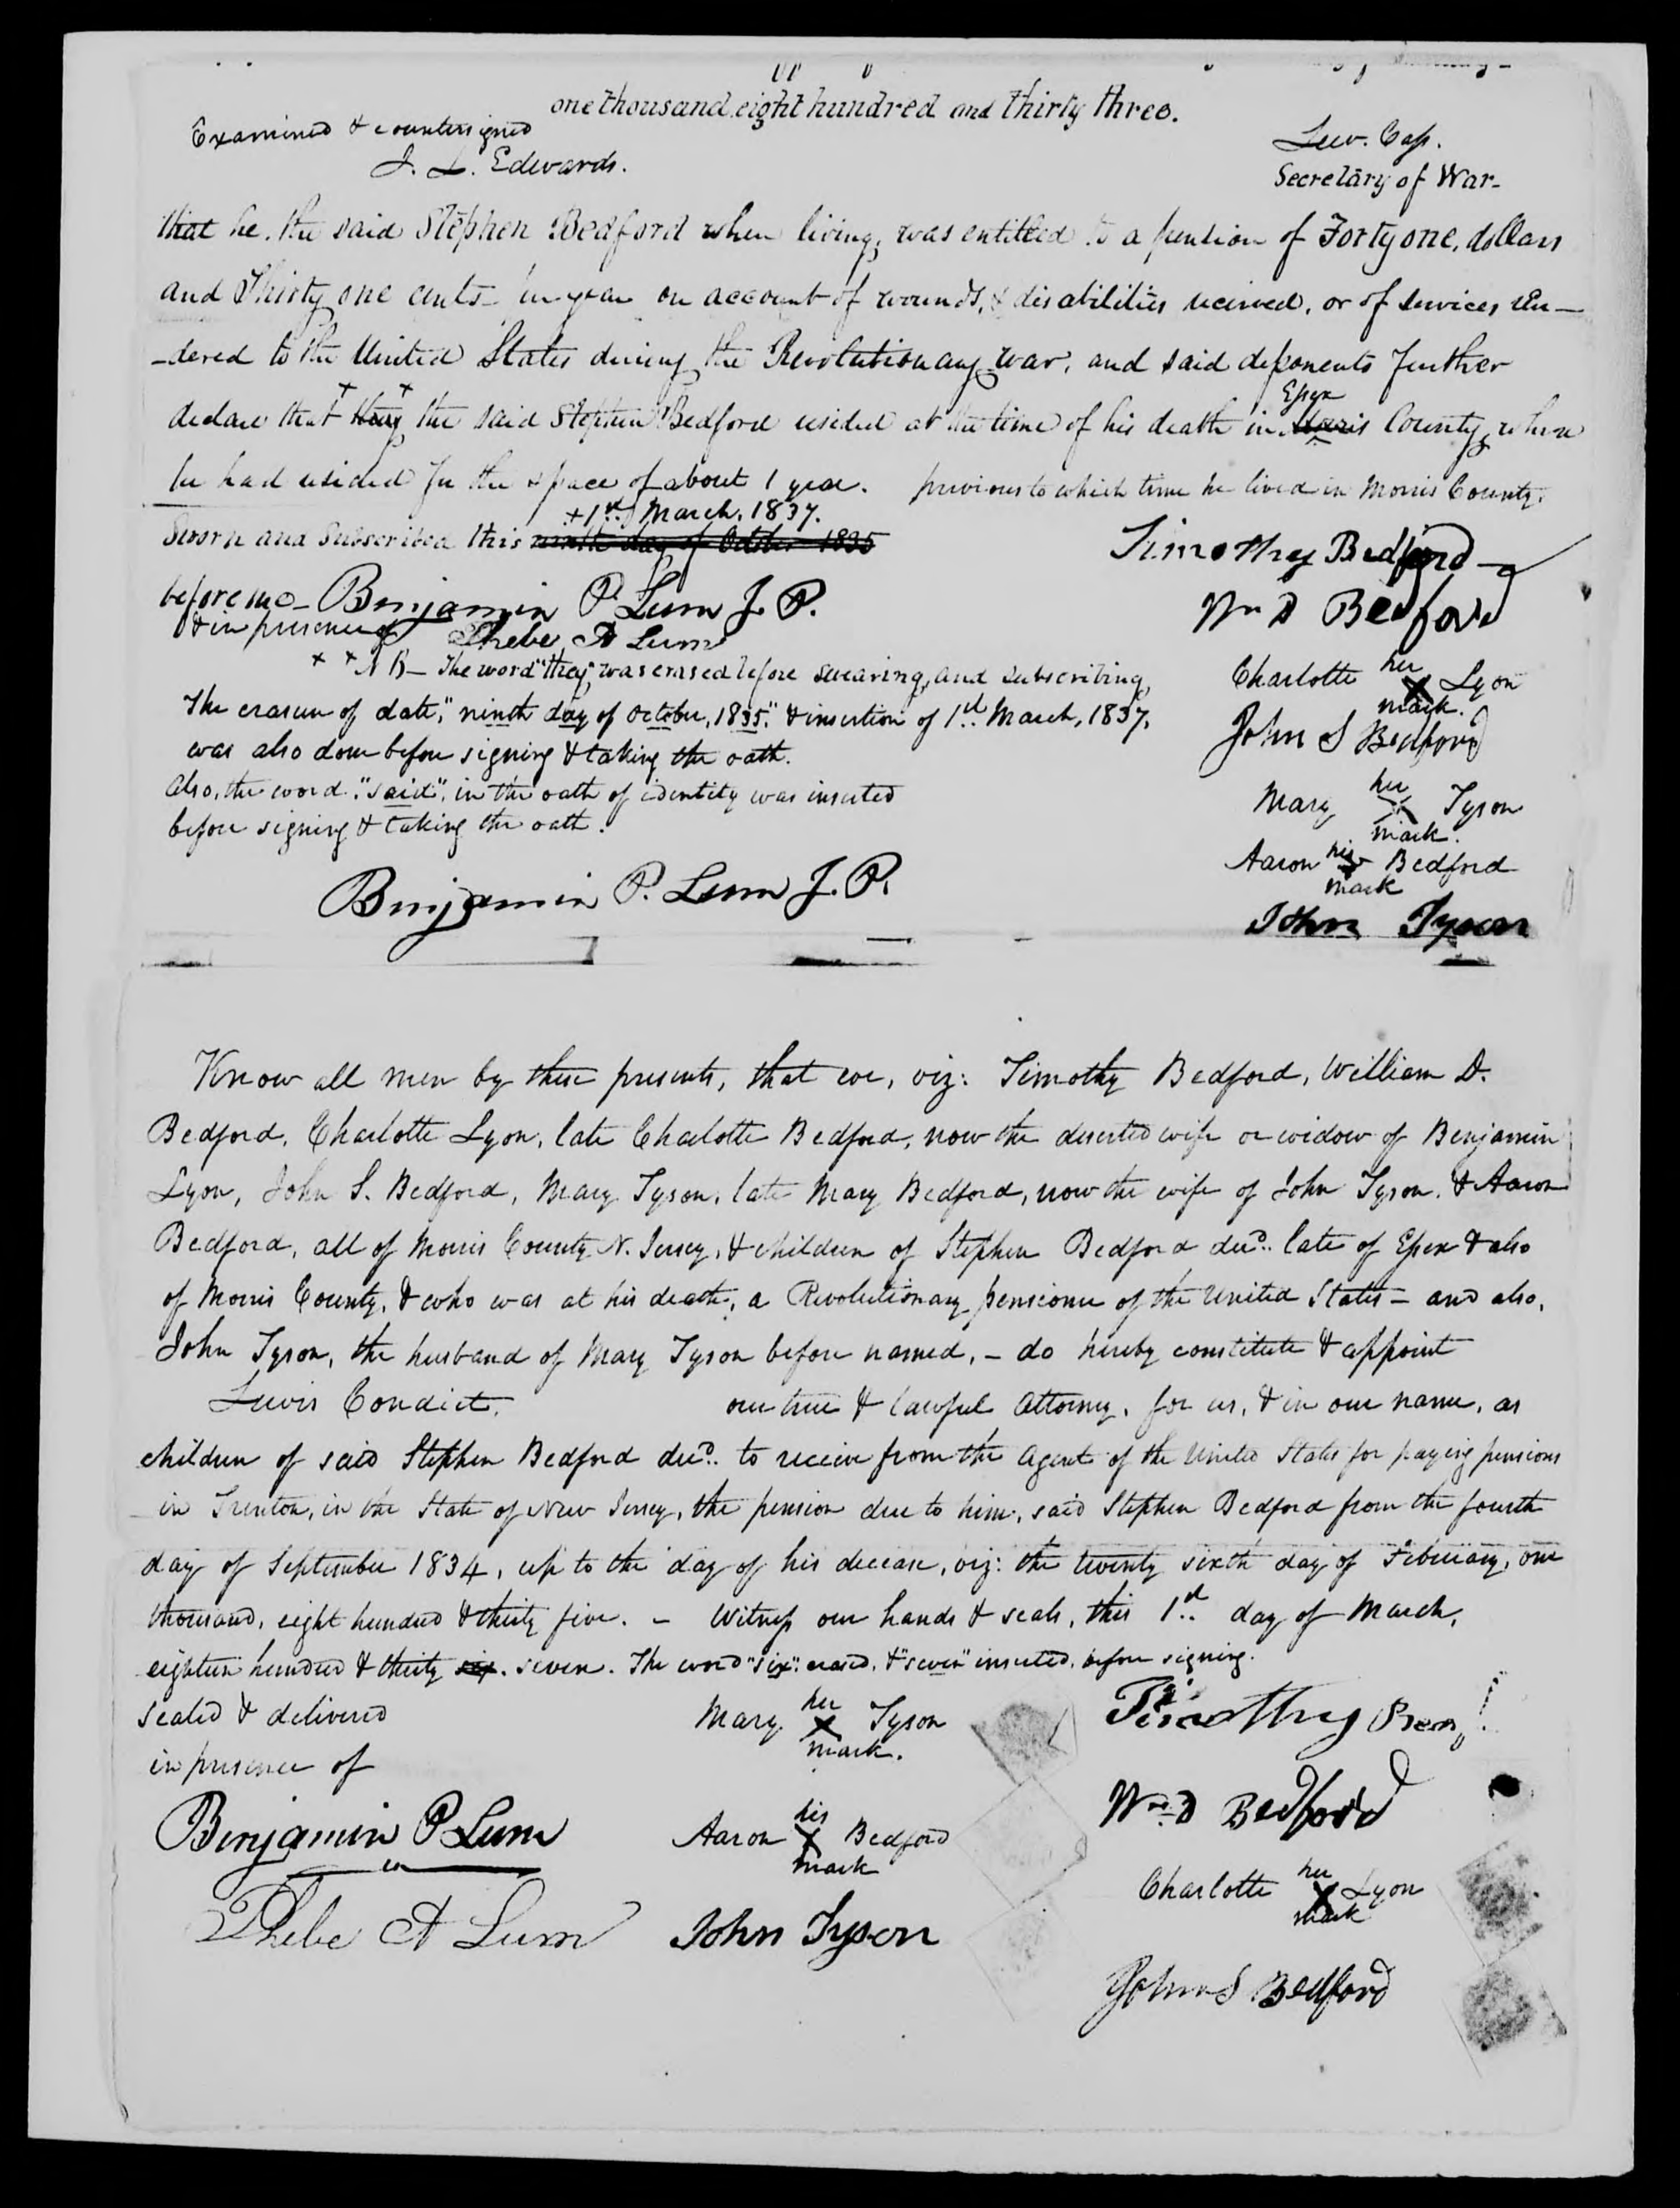one thousand eight hundred and thirty three.
   Lew Cass
 Secretary of War
Examined & countersigned 
J. L. Edwards 
that he the said Stephen Bedford when living was entitled to a pension of Forty one dollars and Thirty one cents per year on account of wounds, & disabilities received, or of Services, rendered to the United States during the Revolutionary War, and said deponents further declare that [the word they is crossed out] the said Stephen Bedford resided at the time of his death in Essex [the word Morris is crossed out] County, where he had resided for the space of about 1 year previous to which time he lived in Morris County.
Timothy Bedford  Wm D Bedford   Charlotte her X mark Lyon John S Bedford  Mary her x mark Lyon  Aaron his x mark Bedford  John Tyson
 Sworn and Subscribed this 1st day March 1837. 
before me  Benjamin P. Lum J.P. & in presence of Phebe A Lum
++ NB - the word "they" was erased before swearing, and subscribing, the erasure of date "ninth day of October 1835" & insertion of 1st March 1837 was also done before signing & taking the oath.  
Also, the word "said" in the oath of identity was inserted before signing & taking the oath.
  Benjamin P. Lum J.P.

Know all men by these presents, that we, viz: Timothy Bedford, William D. Bedford, Charlotte Lyon, late Charlotte Bedford, now the deserted wife or widow of Benjamin Lyon, John S. Bedford, Mary Tyson, late Mary Bedford, now the wife of John Tyson, & Aaron Bedford, all of Morris County, N. Jersey, & children of Stephen Bedford decd late of Essex & also of Morris County, & who was at this death, a Revolutionary pensioner of the United States - and also, John Tyson, the husband of Mary Tyson before named, do hereby constitute & appoint Lewis Condict our true & lawful Attorney, for us, & in our name, as children of said Stephen Bedford decd to receive from the Agent of the United States for paying pensions in Trenton, in the State of New Jersey, the pension due to him, said Stephen Bedford from the fourth day of September 1834, up to the day of his decease, viz: the twenty sixth day of February, one thousand, eight hundred & thirty five. - Witness our hands & seals, this 1st day of March, eighteen hundred & thirty [the word six is crossed out] seven. The word "six" erased & "seven" inserted, before signing.
Sealed & delivered Mary her X mark Tyson 
Timothy Bedford
in presence of Wm D Bedford
Benjamin P Lum Aaron his X mark Charlotte her X mark Lyon
John Tyson John S Bedford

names: Wm D Bedford, Stephen Bedford, Stephen Bedford, Mary Tyson, John Tyson, Benjamin P Lum, John S Bedford, J L Edwards, Timothy Bedford, Stephen Bedford, Mary Tyson, Mary Tyson, Stephen Bedford, Lew Cass, Mary Tyson, Aaron Bedford, Lewis Condict, John S Bedford, Charlotte Lyon, John Tyson, Timothy Ben, Wm D Bedford, John S Bedford, Benjamin Lyon, John Tyson, Timothy Bedford, Charlotte Lyon, Aaron Bedford, Benjamin P Lum, William D Bedford, Charlotte Bedford, Charlotte Lyon, Stephen Bedford, John Tyson, Benjamin P Lum, Phebe A Lum, Mary Bedford, Aaron Bedford, Phebe A Lum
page: 8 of 31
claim: survivor's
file: S. 2372, Stephen Bedford, New Jersey